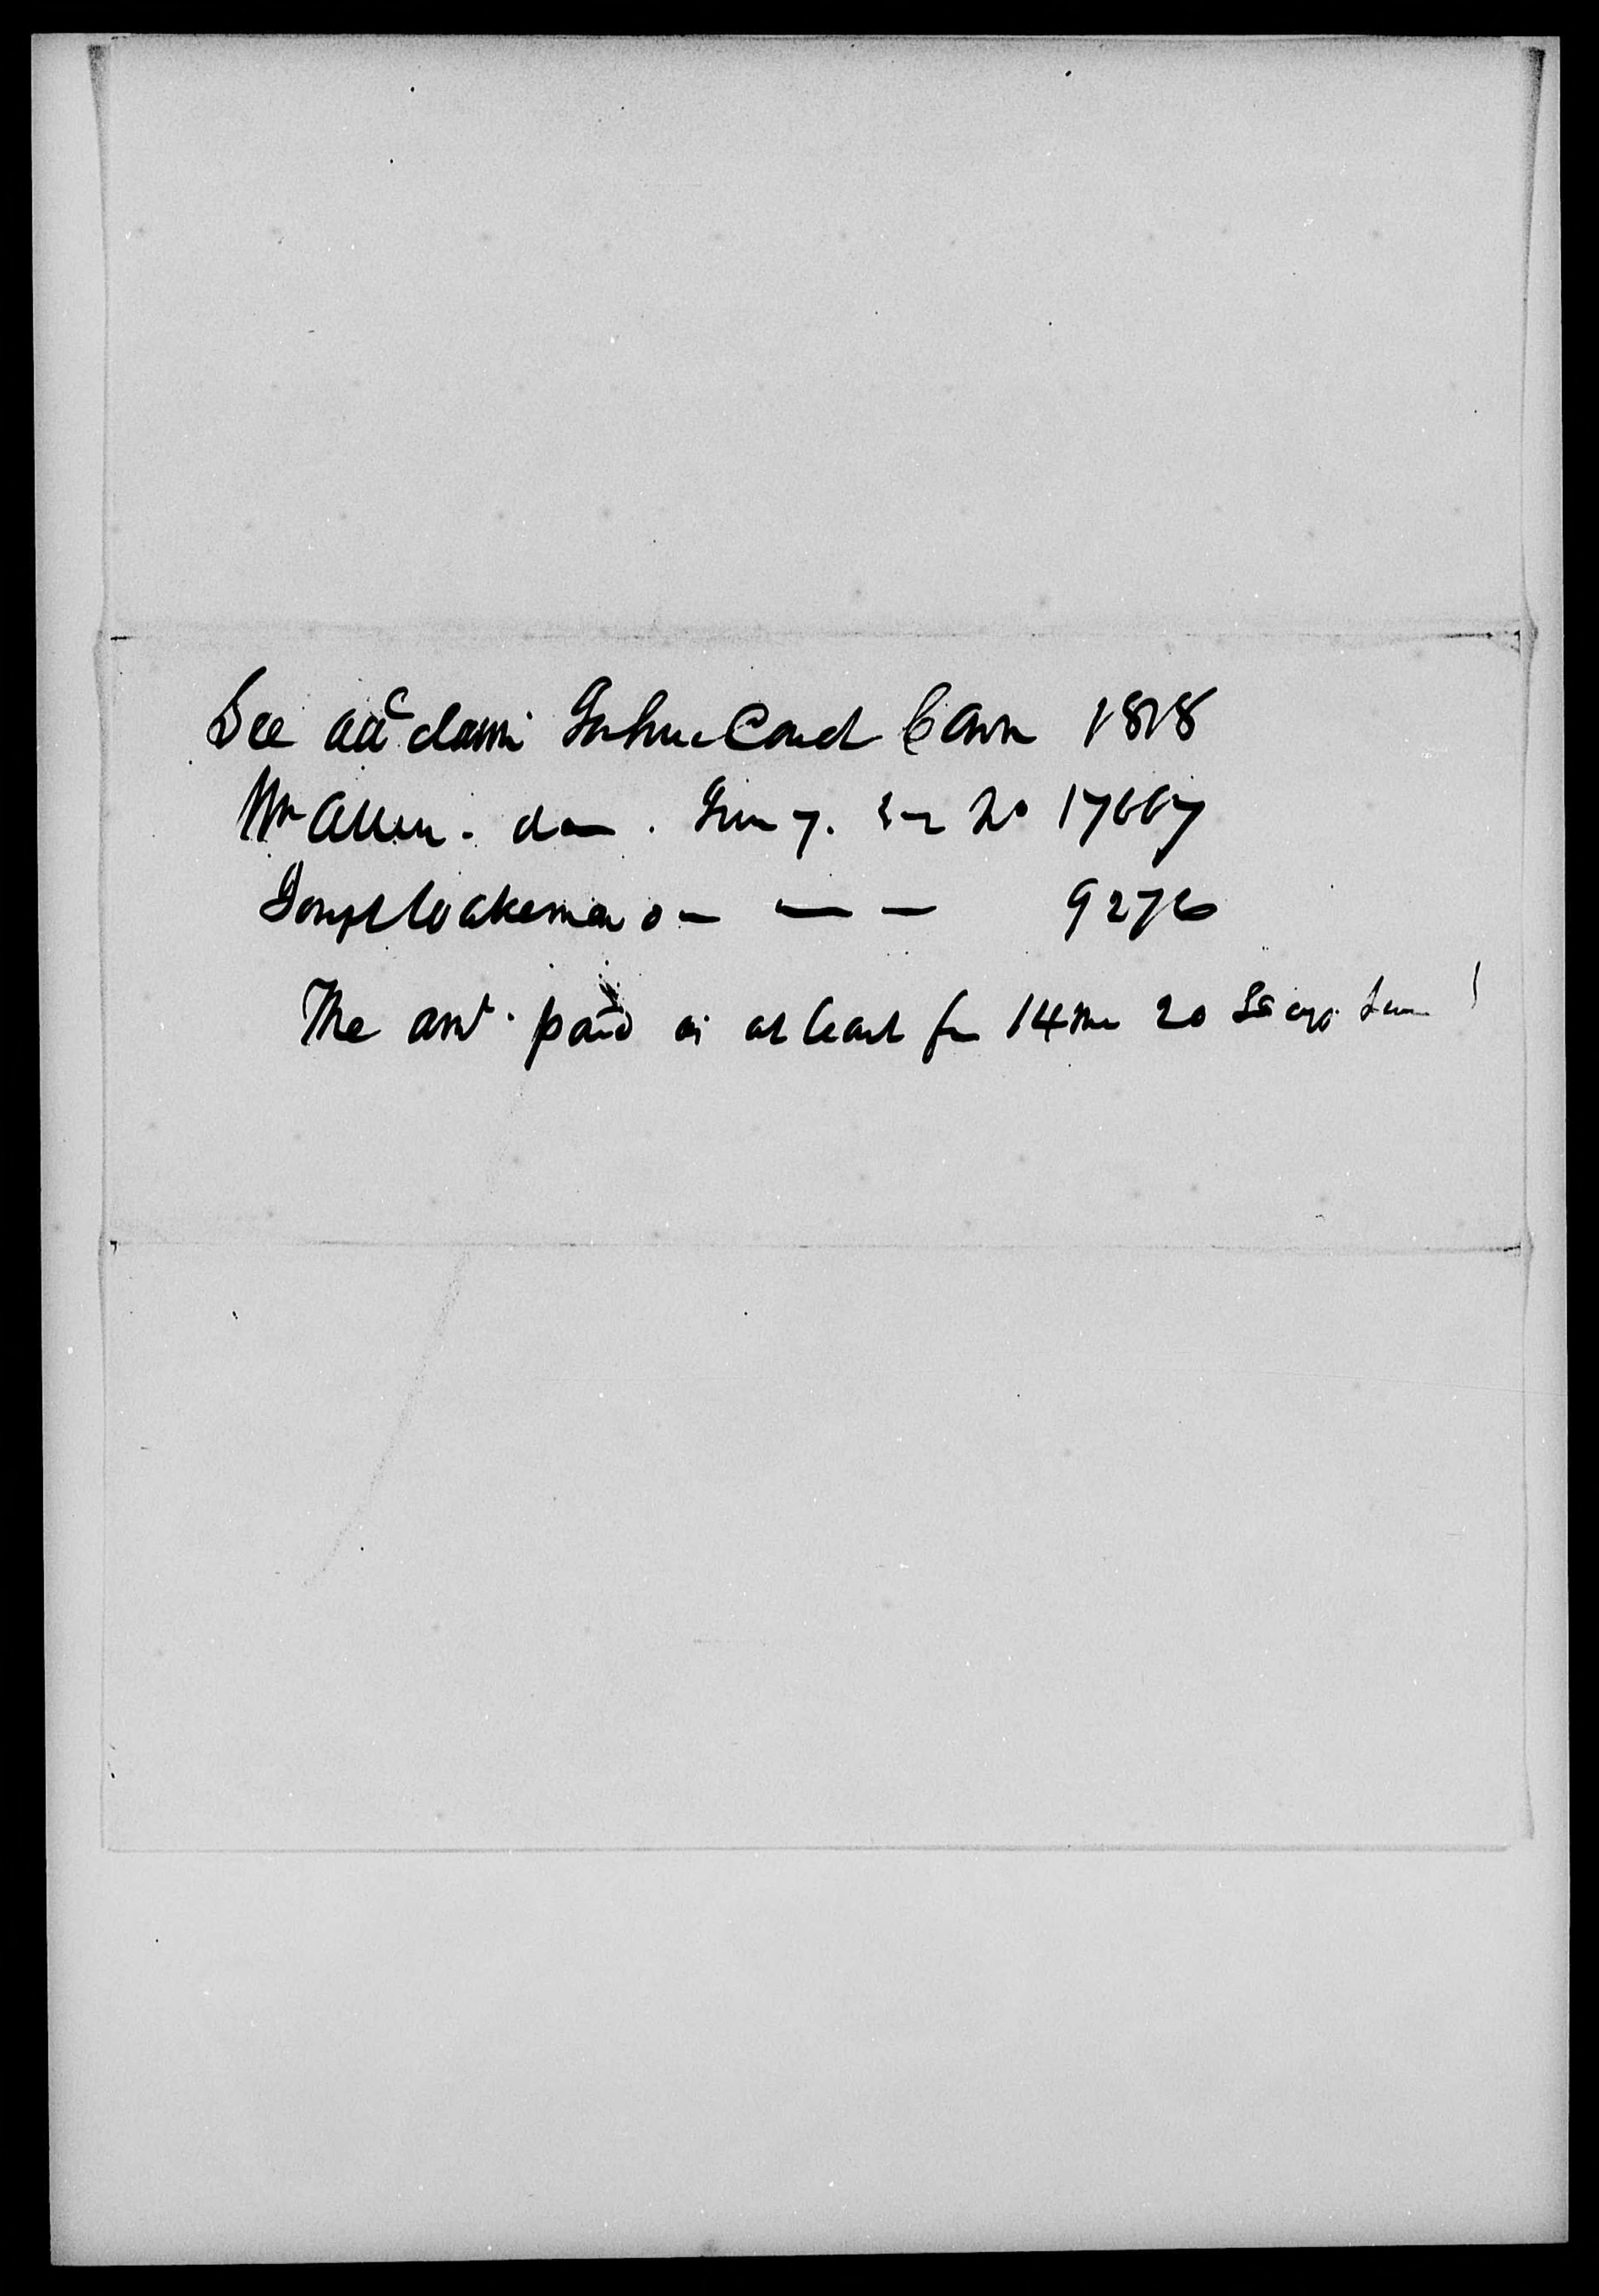See Acclaim's The cold Corn 1828
Wm Allen. do. Five 7. 12. 17667
Joseph Wakeman
-
9276
the and paid is at least for the 20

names: Joshua Couch, Wm Allen, Joseph Wakeman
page: 45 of 69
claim: widow's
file: W. 25562, Abijah Elwood, Conn.